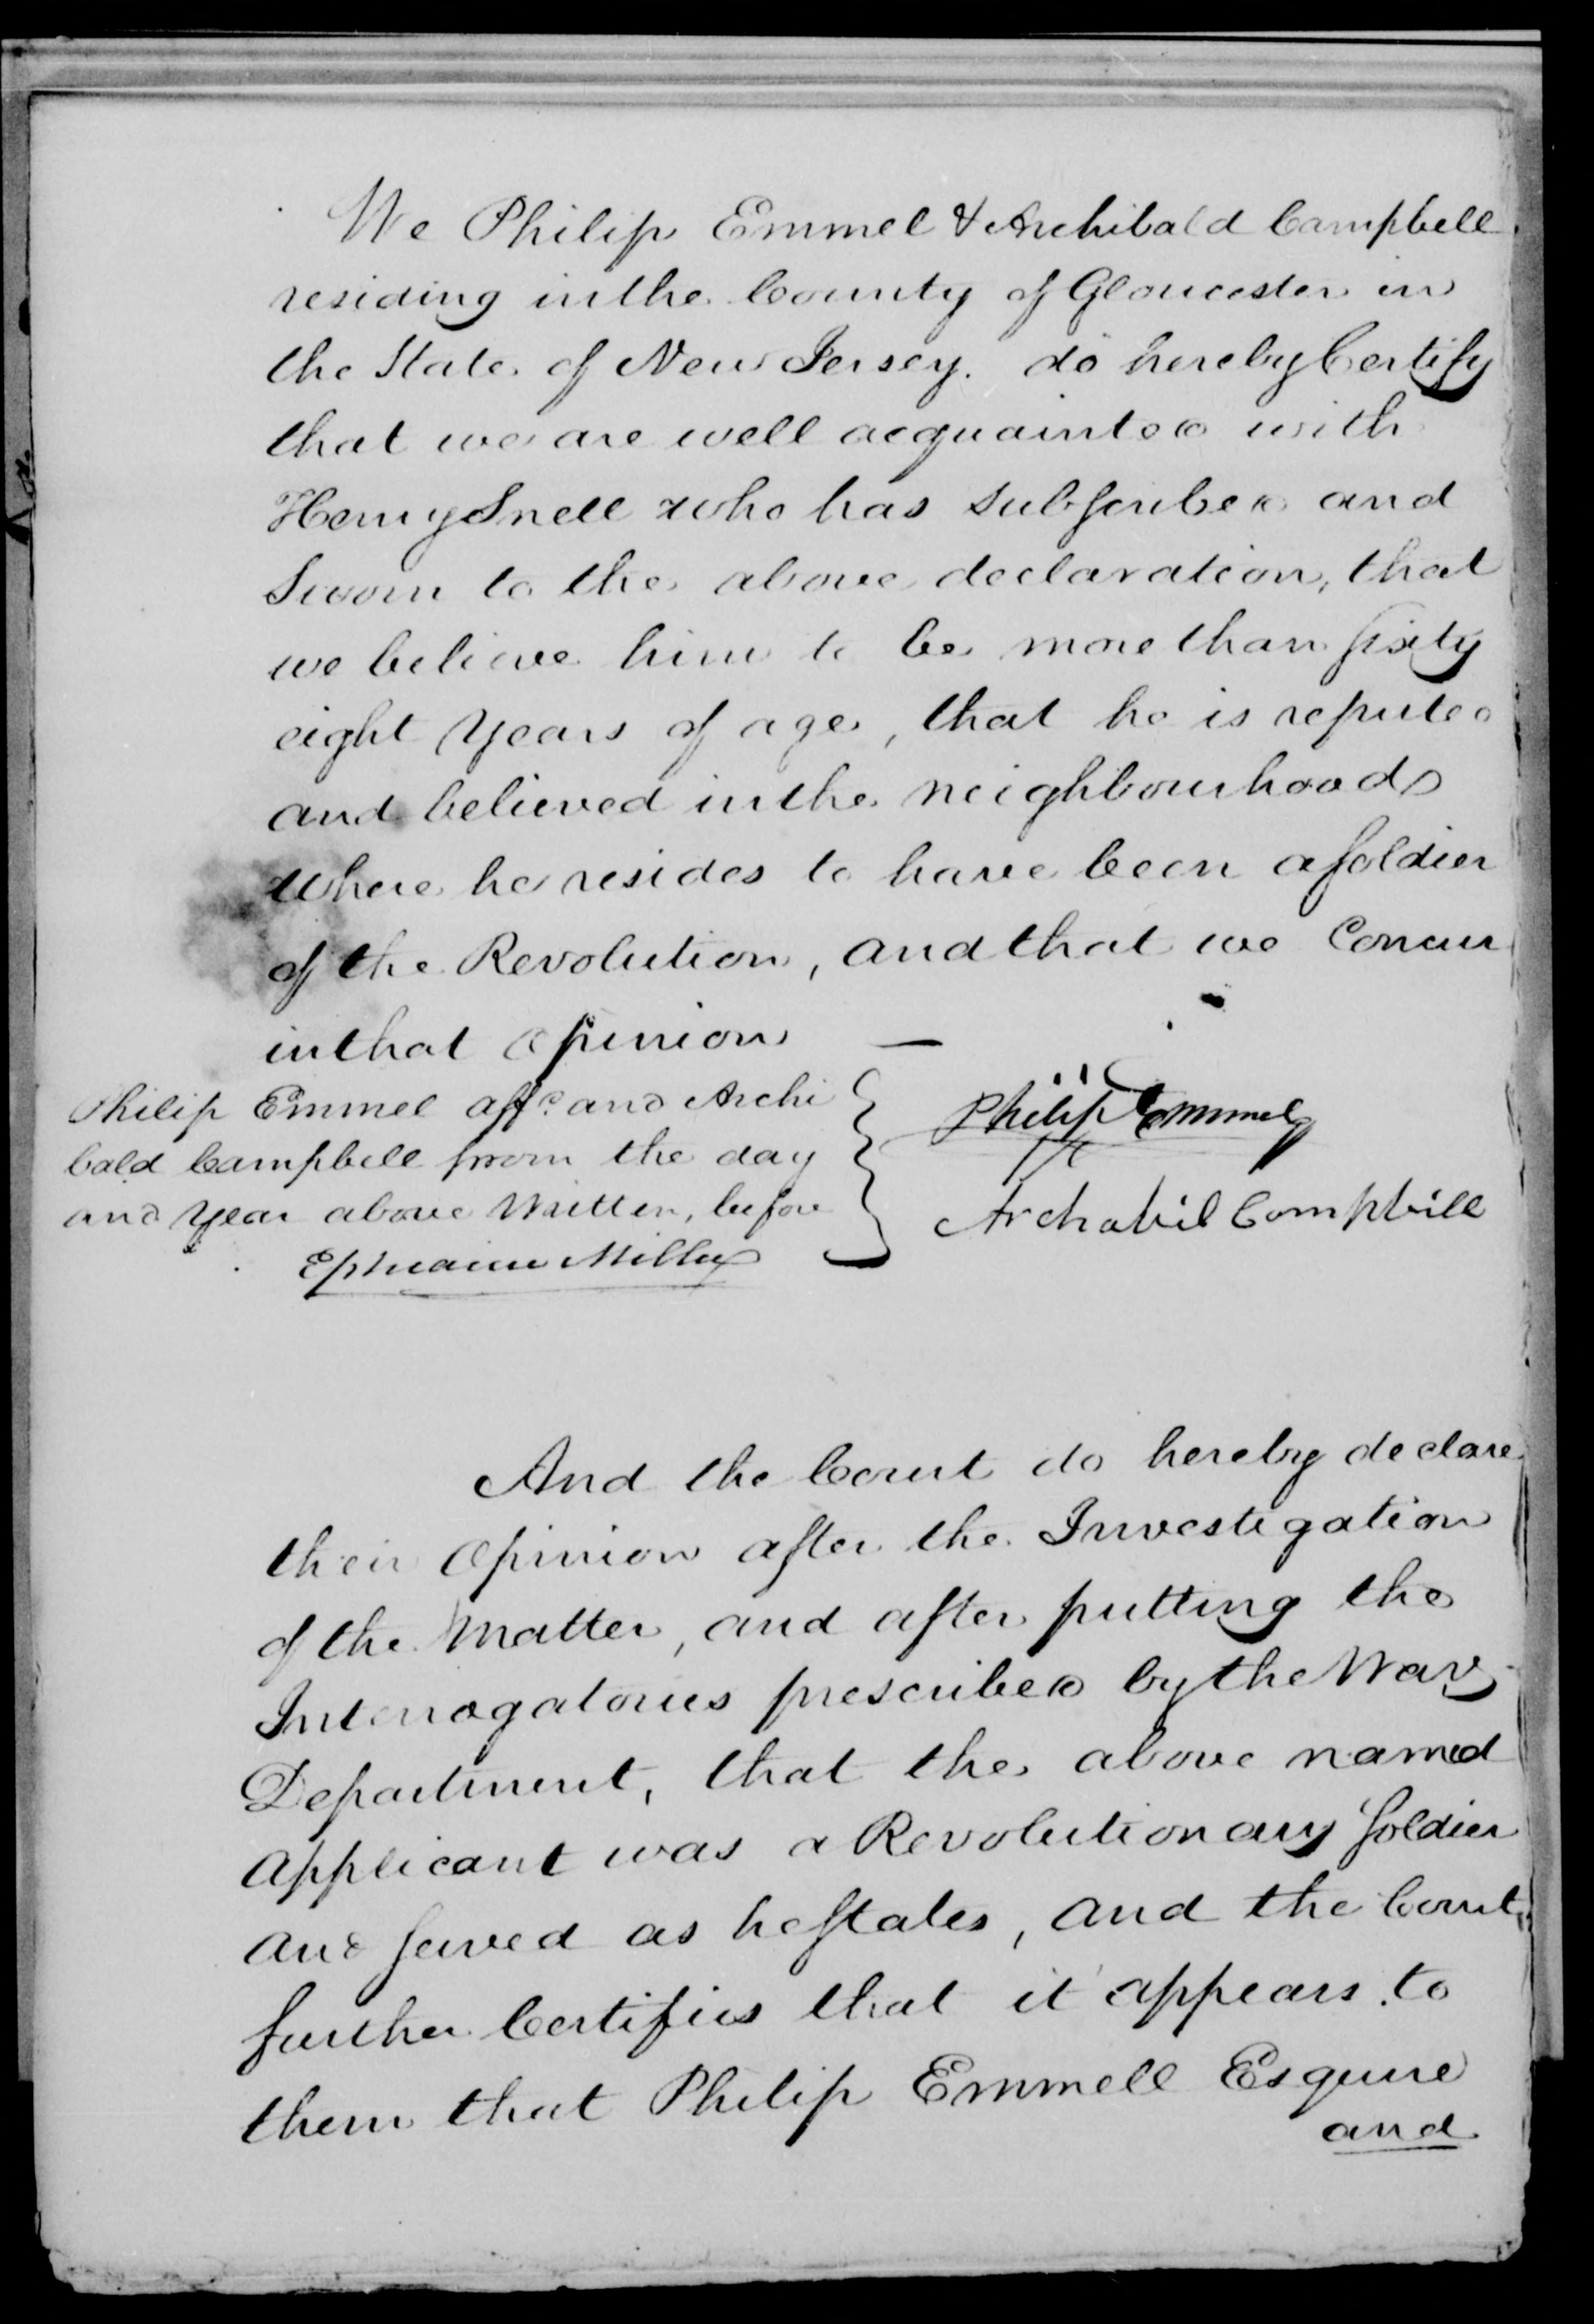We Philip Emmel & Archibald Campbell residing in the County of Gloucester in the State of New Jersey, do hereby Certify that we are well acquainted with Henry Snell who has subscribed and Sworn to the above declaration, that we believe him to be more than Sixty eight years of age, that he is reputed and believed in the neighbourhoods where he resides to have been a soldier of the Revolution, and that we concur in the opinion

Philip Emmel and Archibald Campbell from the day and year above written before
Ephraim Miller

[signed]
Philip Emmel
Archibil Campbell

And the Court do hereby declare their opinion after the Investigation of the Matter, and after putting the Interragatories prescribed by the Wars Department, that the above named applicant was a Revolutionary Soldier and served as he states, and the Court further certifies that it appears to the that Philip Emmell Esquire and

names: Henry Snell; Philip Emmell; Ephraim Miller; Archabil Campbill; Philip Emmel; Archibald Campbell; Philip Emmel; Archibald Campbell; Philip Emmel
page: 12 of 27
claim: rejected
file: R. 9,892, for Henry Snell, New Jersey